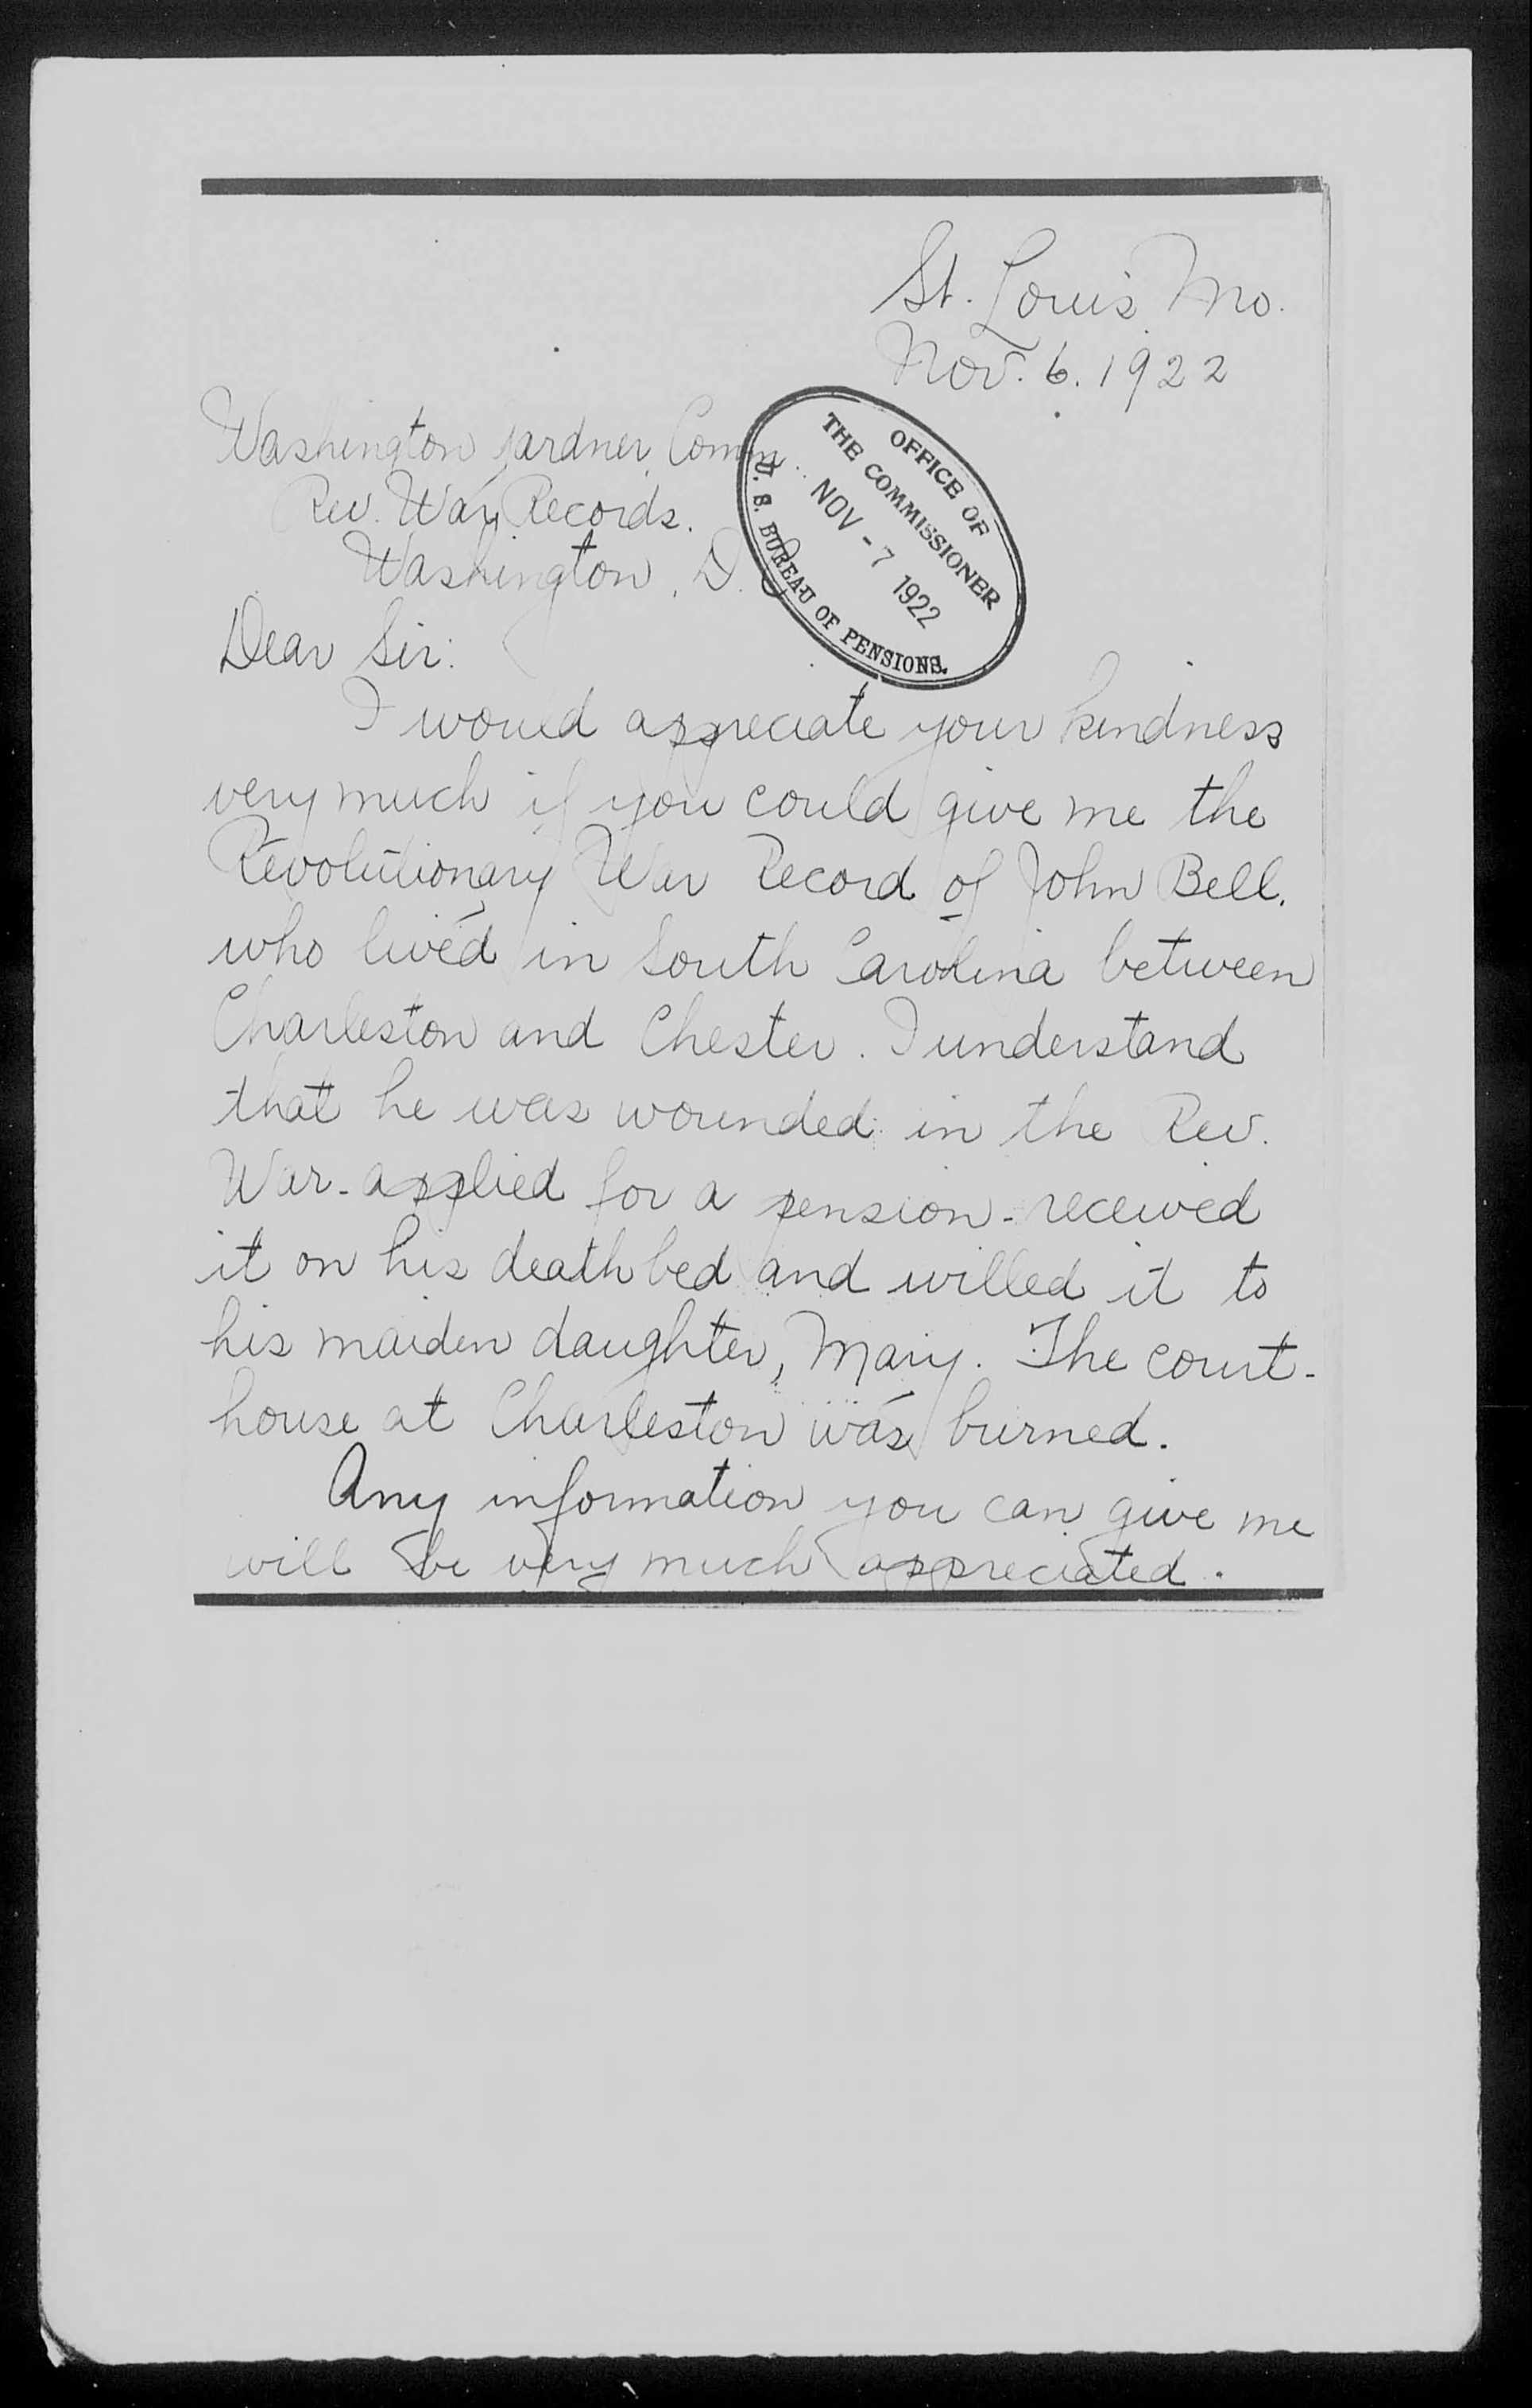( post mark ) [ OFFICE OF THE COMMISSIONER U. S. BUREAU OF PENSIONS NOV 7 1922 ] St. Louis , Mo. Nov .6 , 1922 Washington Gardner Comm . Rev. War Records . Washington  D.C.  Dear Sir, I would appreciate your kindness very much if you could give me the Revolutionary War Record of John Bell who lived in  South Carolina  between Charleston and Chester . I understand that hew was wounded in the Rev. War applied for a Pension  - received it on his death bed and willed it to his maiden daughter , Mary. The Court house at Charleston was burned. Any information you  can give me will be very much appreciated .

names: Mary, John Bell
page: 17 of 23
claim: survivor's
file: S. 21068, John Bell, Ga. N. C. S. C.